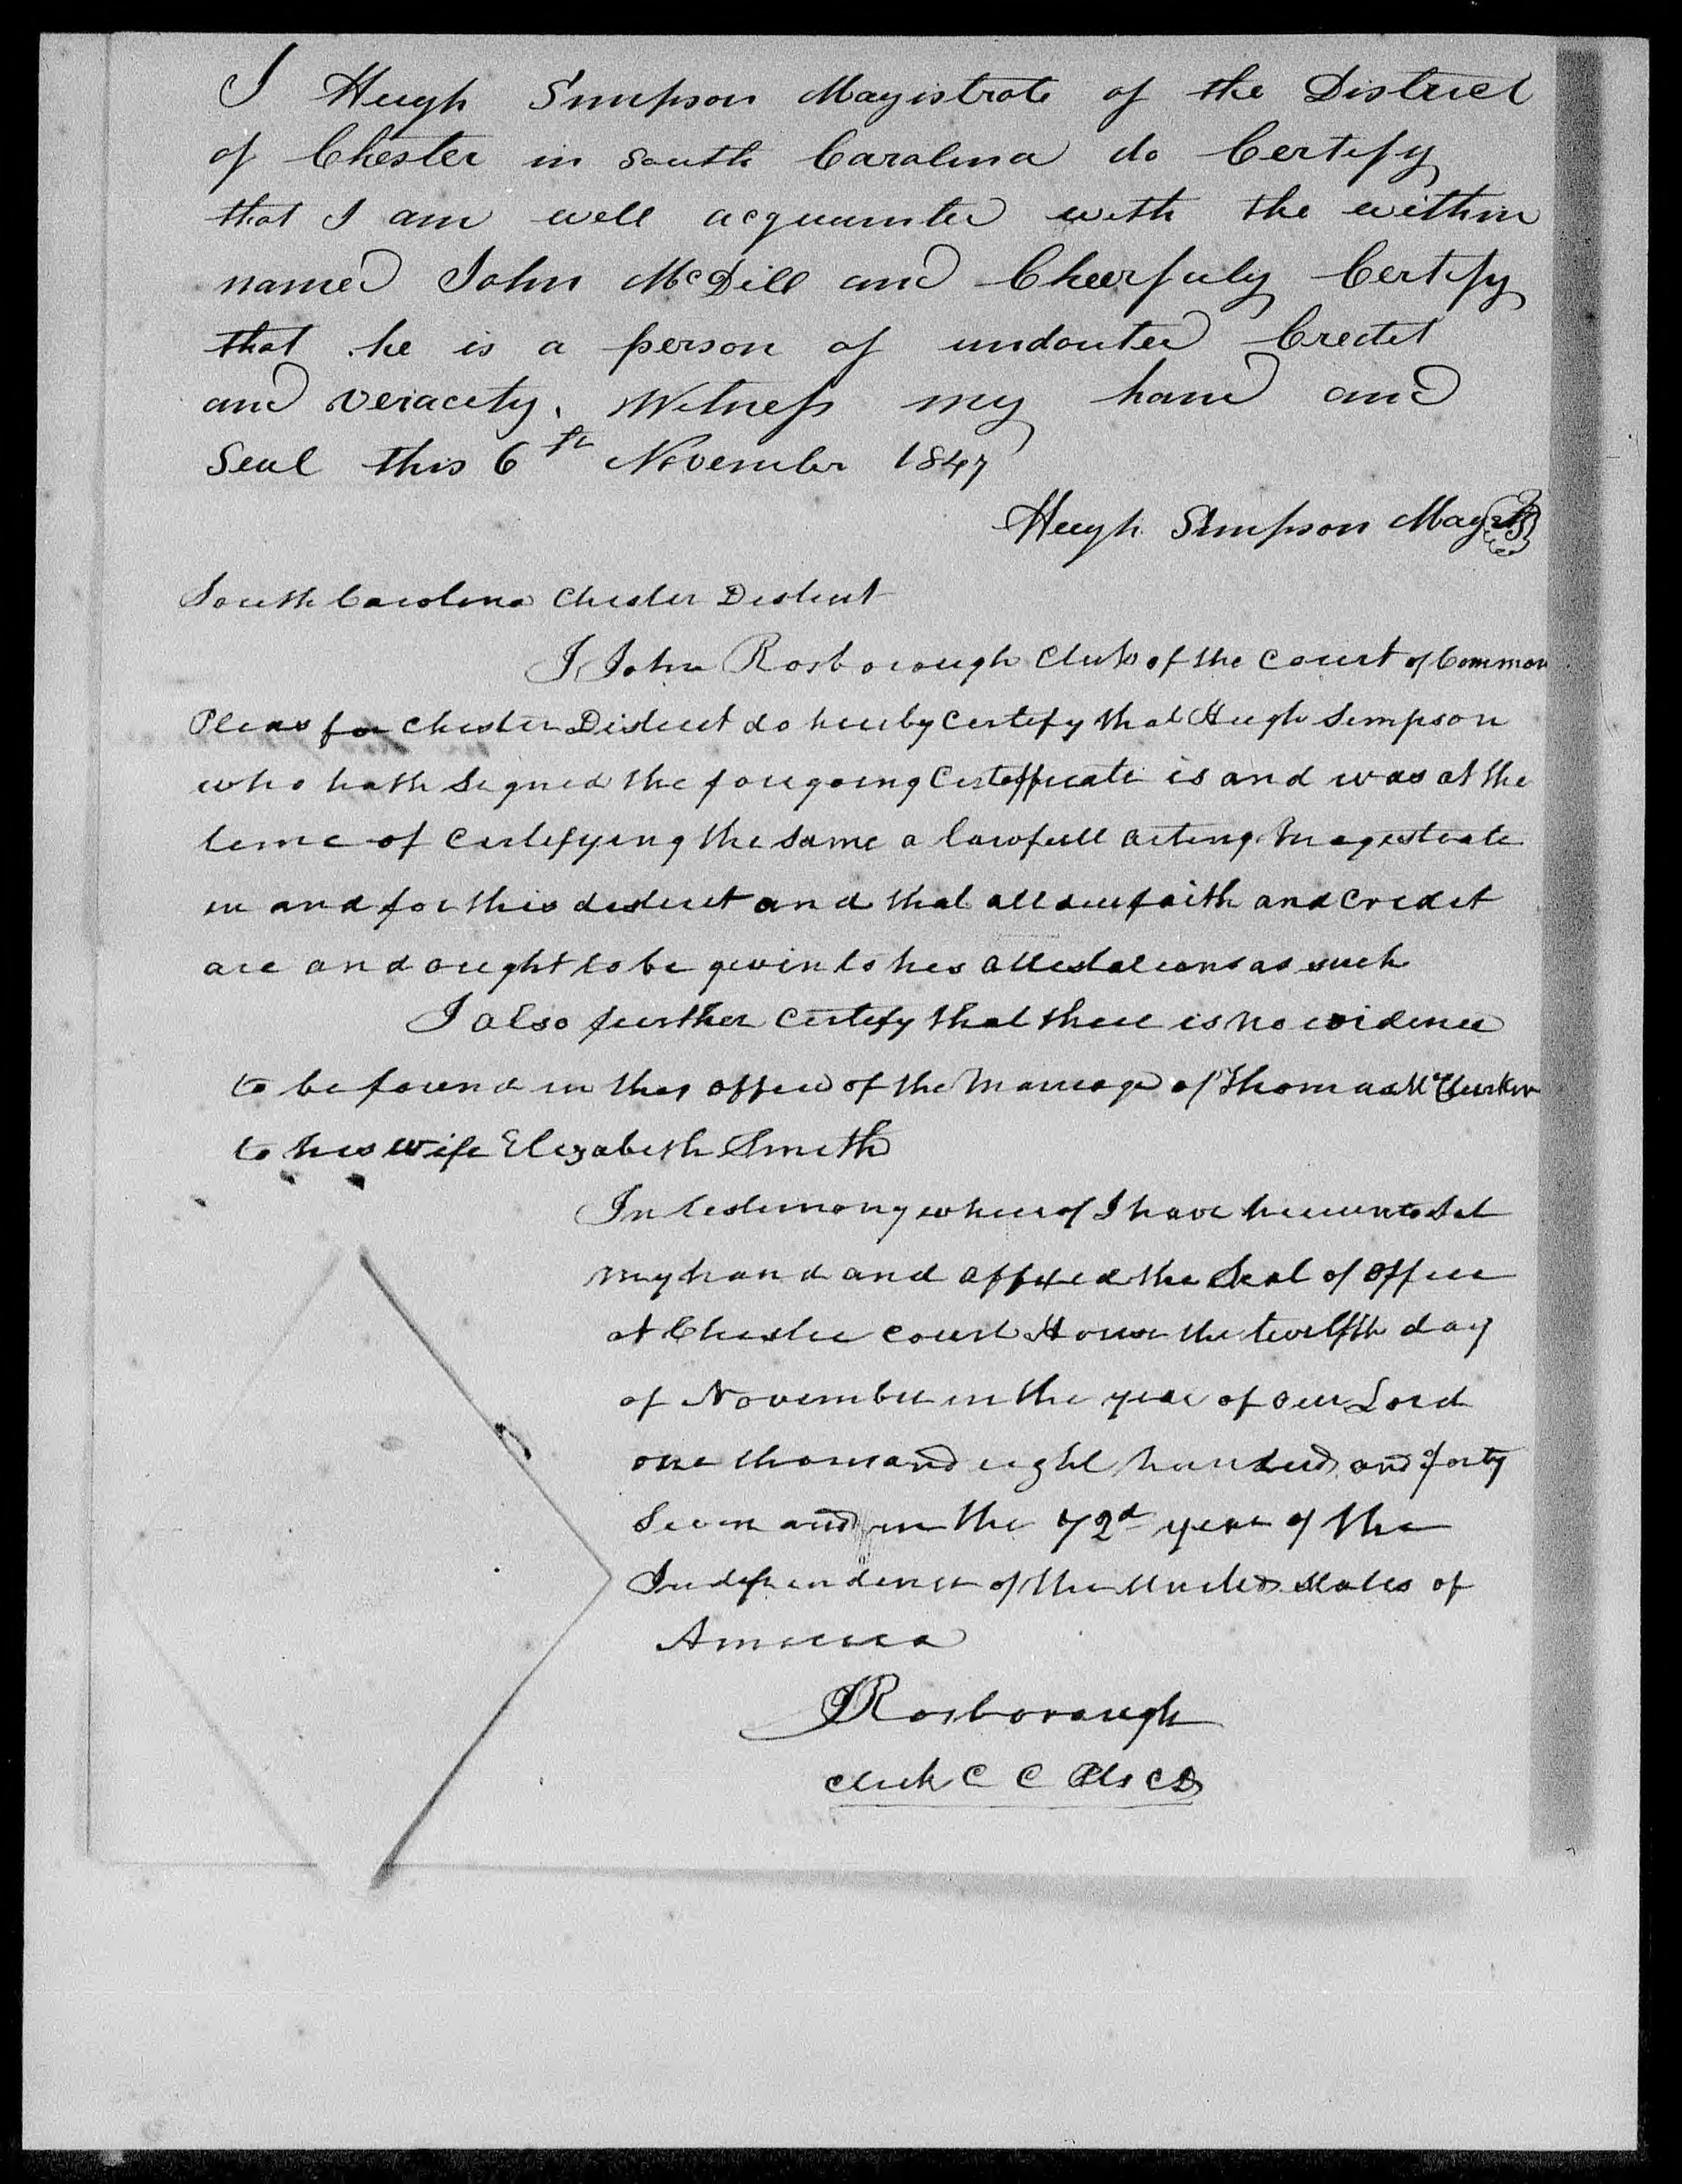I Hugh Simpson Magistrate of the District of Chester in South Carolina do Certify that I am well acquainted with the within named John McDill and cheerfully certify that he is a person of undoubted Credit and veracity. Witness my hand and Seal this 6th November 1847 
Hugh Simpson Magst

South Carolina Chester District 
I John Rosborough Clerk of the Court of Common Pleas for Chester District do hereby certify that Hugh Simpson who hath signed the foregoing certificate is and was at the time of certifying the same a lawfull acting Magistrate in and for this district and that all due faith and credit are and ought to be given to his attestations as such. 

I also further certify that there is no evidence to be found in this office of the Marriage of Thomas McClurken to his wife Elizabeth Smith
In testimony whereof I have hereunto set my hand and affixed the Seal of Office 
at Chester Court House the twelfth day 
of November in the year of our Lord 
one thousand eight hundred and forty 
Seven and in the 72d year of the of Independence of the United States of 
America 
Rosborough Clerk CC Pleas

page: 44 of 93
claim: widow's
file: W. 21792, for Thomas Mc Clurken, South Carolina